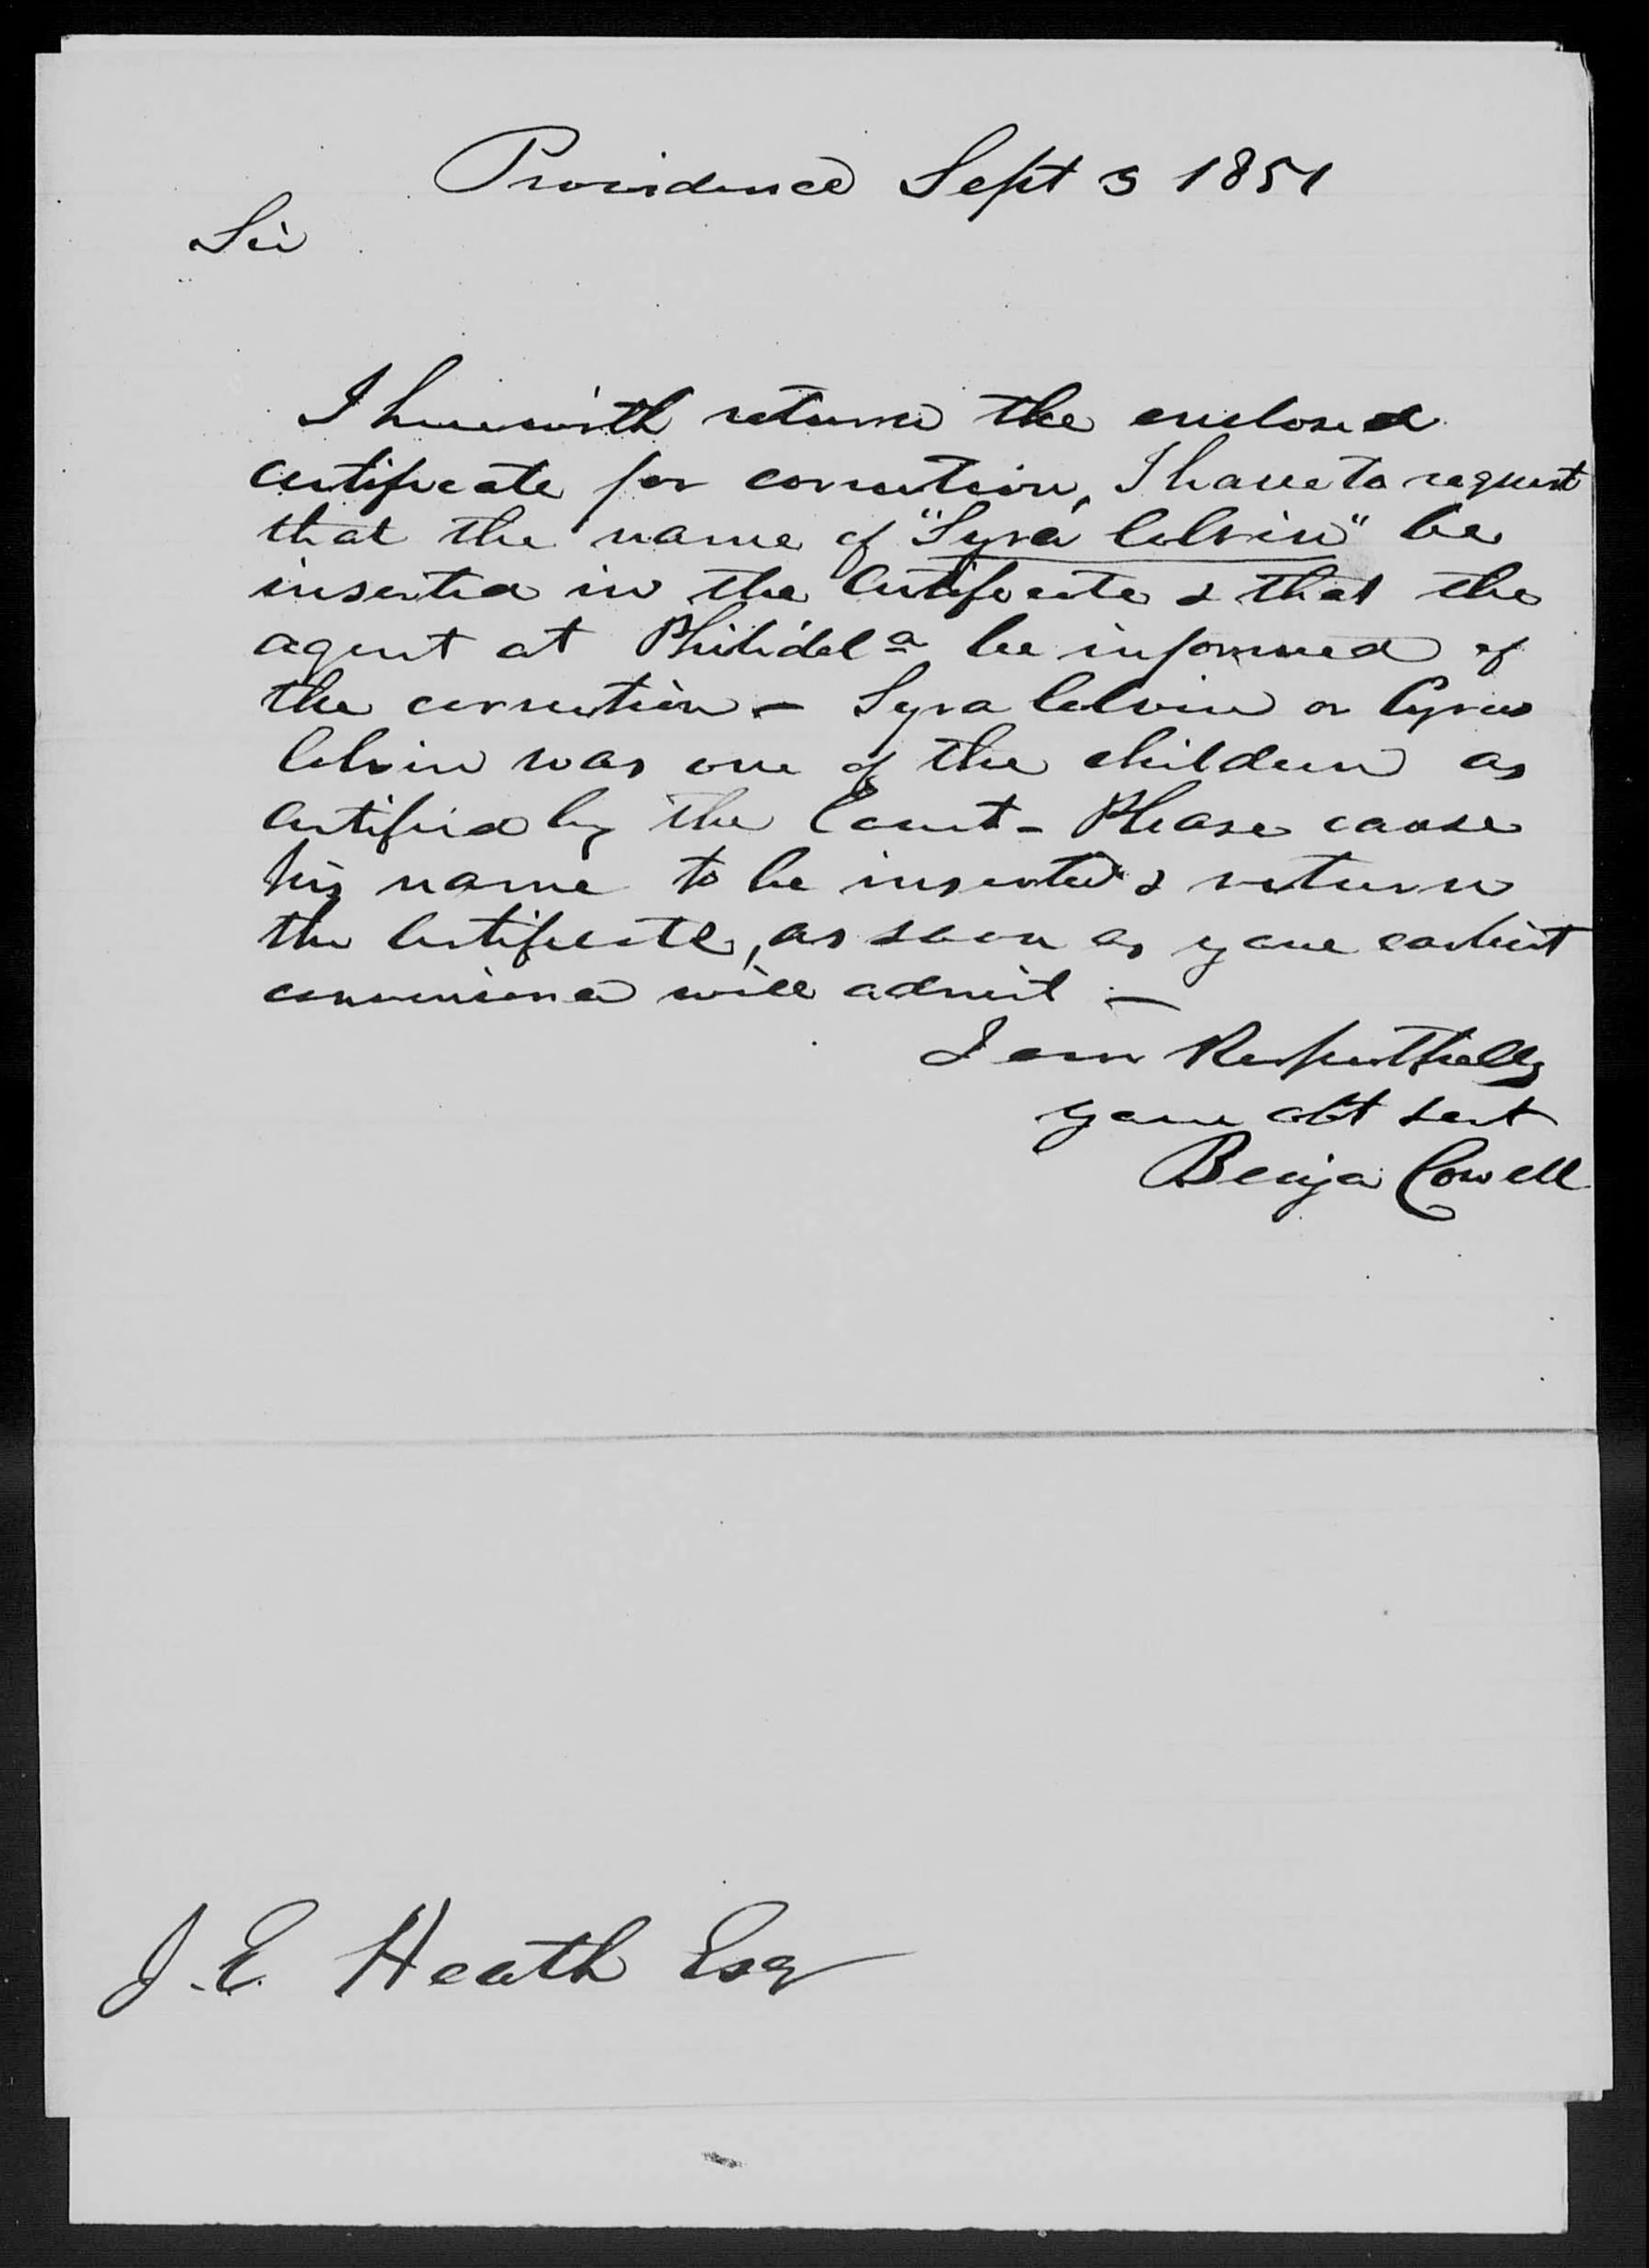Providence Sept 3 1851
Sir
I herewith return the enclosed certificate for correction. I have to request that the name of "Syra Colvin" be inserted in the certificate & that the agent at Philidela be informed of the correction. Syra Colvin or Cyrus Colvin was one of the children as certified by the Court. Please cause his name to be inserted & return the certificate, as soon as your earliest convenience will admit.
I am respectfully your obt servt
Benja Cowell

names: Syra Colvin, Benja Cowell, Syra Colvin, Cyrus Colvin, J E Heath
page: 24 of 41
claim: widow's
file: W. 3513, Philip Colvin, R.I.